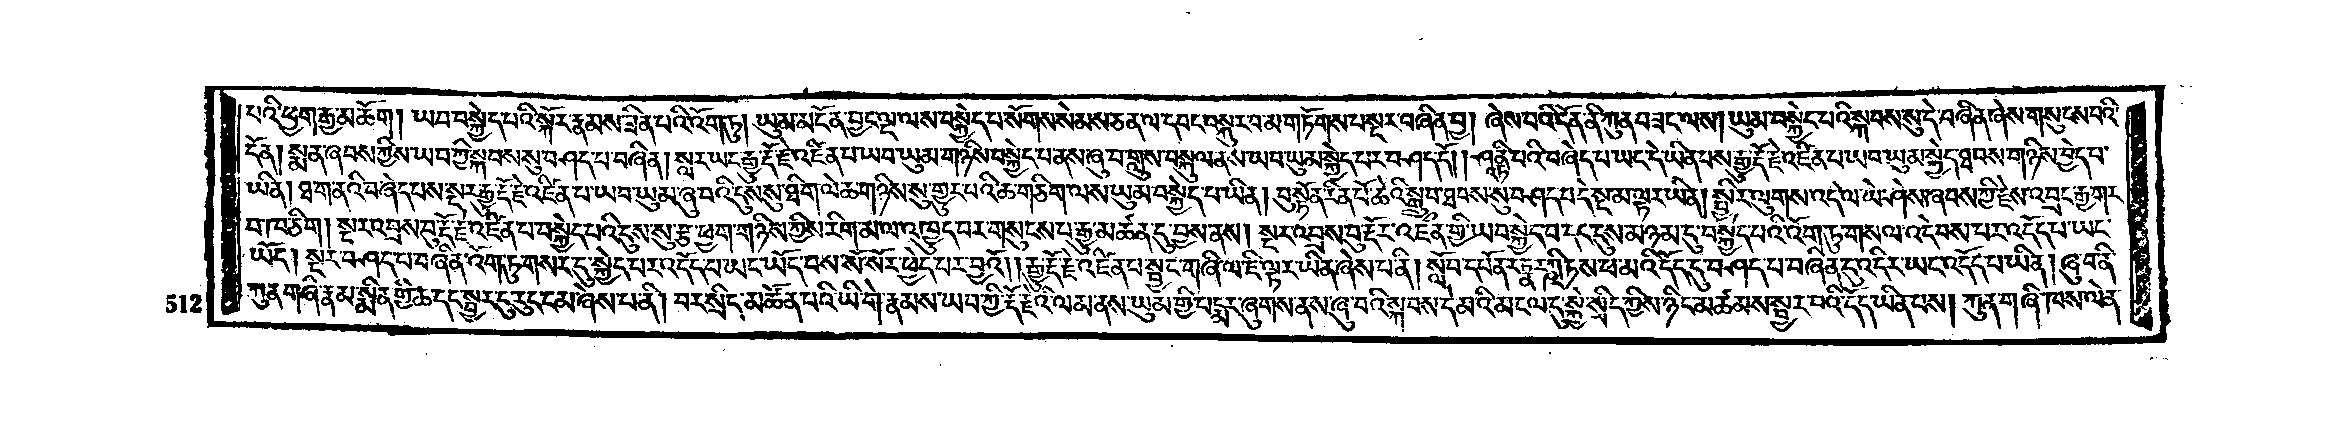པའི་ཕྱག་རྒྱ་མཆོག །ཡབ་བསྐྱེད་པའི་སྐོར་རྣམས་ཟིན་པའི་འོག་ཏུ། ཡུམ་མངོན་བྱང་ལྔ་ལས་བསྐྱེད་པ་སོགས་སེམས་ཅན་ལ་དབང་བསྐུར་བ་མ་གཏོགས་པ་སྔར་བཞིན་བྱ། ཞེས་པའི་དོན་ནི་ཀུན་བཟང་ལས། ཡུམ་བསྐྱེད་པའི་སྐབས་སུ་དེ་བཞིན་ཞེས་གསུངས་པའི་
དོན། སྨན་ཞབས་ཀྱིས་ཡབ་ཀྱི་སྐབས་སུ་བཤད་པ་བཞིན། སླར་ཡང་རྒྱུ་རྡོ་རྗེ་འཛིན་པ་ཡབ་ཡུམ་གཉིས་བསྐྱེད་པ་ནས་ཞུ་བ་གླུས་བསྐུལ་ནས་ཡབ་ཡུམ་སྐྱེད་པར་བཤད་དོ། །ཤཱནྟི་པའི་བཞེད་པ་ཡང་དེ་ཡིན་པས་རྒྱུ་རྡོ་རྗེ་འཛིན་པ་ཡབ་ཡུམ་སྐྱེད་ཐབས་གཉིས་བྱེད་པ་
ཡིན། ཐ་ག་ནའི་བཞེད་པས་སྔར་རྒྱུ་རྡོ་རྗེ་འཛིན་པ་ཡབ་ཡུམ་ཞུ་བའི་དུས་སུ་ཐིག་ལེ་ཆ་གཉིས་སུ་གྱུར་པའི་ཆ་གཅིག་ལས་ཡུམ་བསྐྱེད་པ་ཡིན། བུ་སྟོན་རིན་པོ་ཆེའི་སྒྲུབ་ཐབས་སུ་བཤད་པ་དེ་སྔ་མ་ལྟར་ཡིན། སྤྱིར་ལུགས་འདེ་ལ་ཡེ་ཤེས་ཞབས་ཀྱི་རྗེས་འབྲང་རྒྱ་གར་
བ་ཁ་ཅིག །སྔར་འབྲས་བུ་རྡོ་རྗེ་འཛིན་པ་བསྐྱེད་པའི་དུས་སུ་རྩ་ཕྱག་གཉིས་ཀྱིས་རིག་མ་ལ་འཁྱུད་པར་གསུངས་པ་རྒྱུ་མཚན་དུ་བྱས་ནས། སྔར་འབྲས་བུ་རྡོར་འཛིན་གྱི་ཡབ་སྐྱེད་པ་དང་དུས་མཉམ་དུ་བསྐྱེད་པའི་འོག་ཏུ་གསལ་འདེབས་པར་འདོད་པ་ཡང་
ཡོད། སྔར་བཤད་པ་བཞིན་འོག་ཏུ་གསར་དུ་སྐྱེད་པར་འདོད་པ་ཡང་ཡོད་པས་སོ་སོར་ཕྱེད་པར་བྱའོ། །རྒྱུ་རྡོ་རྗེ་འཛིན་པ་སྦྱང་གཞི་ལ་ཇི་ལྟར་ཡིན་ཞེས་པ་ནི། སློབ་དཔོན་རཏྣ་རཀྵི་ཏས་ཕ་མའི་དོད་དུ་བཤད་པ་བཞིན་དུ་འདིར་ཡང་འདོད་པ་ཡིན། ཞུ་བ་ནི་
ཀུན་གཞི་རྣམ་སྨིན་གྱི་ཆ་དང་སྦྱར་དུ་རུང་ངམ་ཞེས་པ་ནི། བར་སྲིད་མཚོན་པའི་ཡི་གེ་རྣམས་ཡབ་ཀྱི་རྡོ་རྗེའི་ལམ་ནས་ཡུམ་གྱི་པདམར་ཞུགས་ནས་ཞུ་བའི་སྐབས་དེ་མའི་མངལ་དུ་སྐྱེ་སྲིད་ཀྱིས་ཉིང་མཚམས་སྦྱར་བའི་དོད་ཡིན་པས། ཀུན་གཞི་ཁས་ལེན་